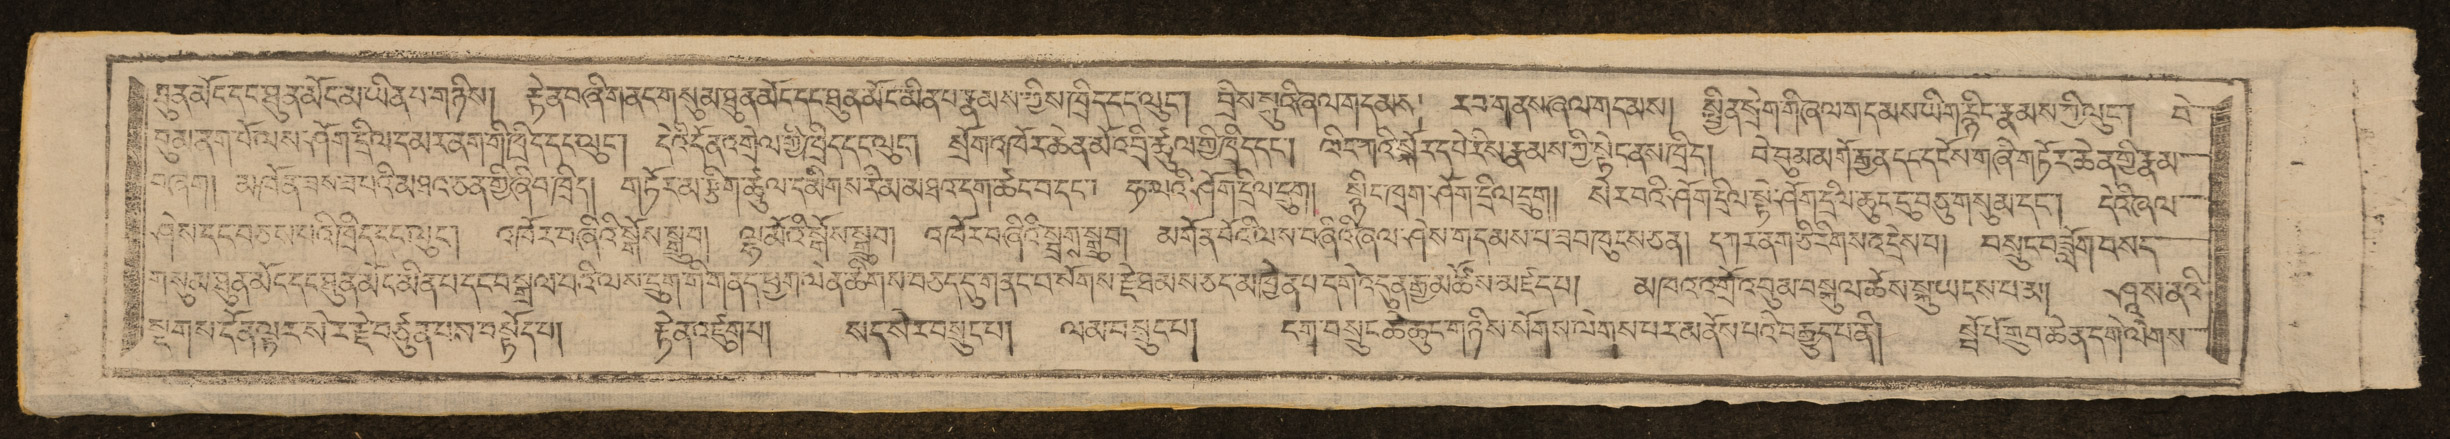ཐུན་མོང་དང་ཐུན་མོང་མ་ཡིན་པ་གཉིས། རྟེན་བཞི་གནང་གསུམ་ཐུན་མོང་དང་ཐུན་མོང་མིན་པ་རྣམས་ཀྱིས་ཁྲིད་དང་ལུང་། བྲིམ་སྐུའི་ཞལ་གདམས། རབ་གནས་ཞལ་གདམས། སྤྱིན་སྲེག་གི་ཞལ་གདམས་ཡིག་རྙིང་རྣམས་ཀྱི་ལུང་། བེ་
བུམ་ནག་པོ་ལས་ཤོག་དྲིལ་དམར་ནག་གི་ཁྲིད་དང་ལུང་། དེའི་དོན་འགྲེལ་གྱི་ཁྲིད་དང་ལུང་། སྲོག་འཁོར་ཆེན་མོ་འབྲི་ཚུལ་གྱི་ཁྲིད་དང་། ལིང་ཀའི་སྐོར་དཔེ་རིས་རྣམས་ཀྱི་སྟེང་ནས་ཁྲིད། བེ་བུམ་མགོ་རྒྱན་དང་དངོས་གཞི་གཏོར་ཆེན་གྱི་རྣམ་
བཞག། མཁོན་ཟས་ཟ་བའི་མཐའ་ཅན་གྱི་ཞིབ་ཁྲིད། གཏོར་མ་རྩིག་ཚུལ་དམིགས་པ་རིམ་མཐའ་དག་ཚང་བ་དང་། ཧ་ལའི་ཤོག་དྲིལ་དྲུག། སྙིང་ཁྲག་ཤོག་དྲིལ་དྲུག། སེར་བའི་ཤོག་དྲིལ་སྟེ་ཤོག་དྲིལ་ཆུང་དུ་བཅུ་གསུམ་དང་། དེའི་ཞལ་
ཤེས་དང་བཅས་པའི་ཁྲིད་དང་ལུང་། འཁོར་བཞིའི་སྒོས་སྒྲུབ། ལྷ་མོའི་སྒོས་སྒྲུབ། འཁོར་བཞིའི་སྦྲགས་སྒྲུབ། མགོན་པོའི་ལས་བཞིའི་ཞལ་ཤེས་གདམས་བ་ཟབ་ཁུངས་ཅན། དཀར་ནག་ཅི་རིགས་འདྲེས་པ། བསྲུང་བཟློག་བསད་
གསུམ་ཐུན་མོང་དང་ཐུན་མོང་མིན་པ་དང་བསྒྲལ་བའི་ལས་དྲུག་གི་གནད་ཕྱག་ལེན་ཚིག་བཅད་དུ་གནད་པ་སོགས་རྗེ་ཐམས་ཅད་མཁྱེན་པ་དགེ་འདུན་རྒྱ་མཚོས་མཛད་པ། མཁའ་འགྲོ་འབུམ་བསྐུལ་ཚས་སྐུ་ཡངས་པ་མ། ཤཱ་ས་ནའི་
སྔགས་དོན་ལྟར་སེར་རྗེ་བཙུན་པས་བསྟོད་པ། རྟེན་འཛུག་པ། སད་སེར་བསྲུང་བ། ལམ་བསྲུང་པ། དག་བསྲུང་ཆེ་ཆུང་གཉིས་སོགས་ལེགས་པར་མ་ནོས་པའི་བརྒྱད་པ་ནི། སྡོ་བོ་གྲུབ་ཆེན་དགེ་ལེགས་